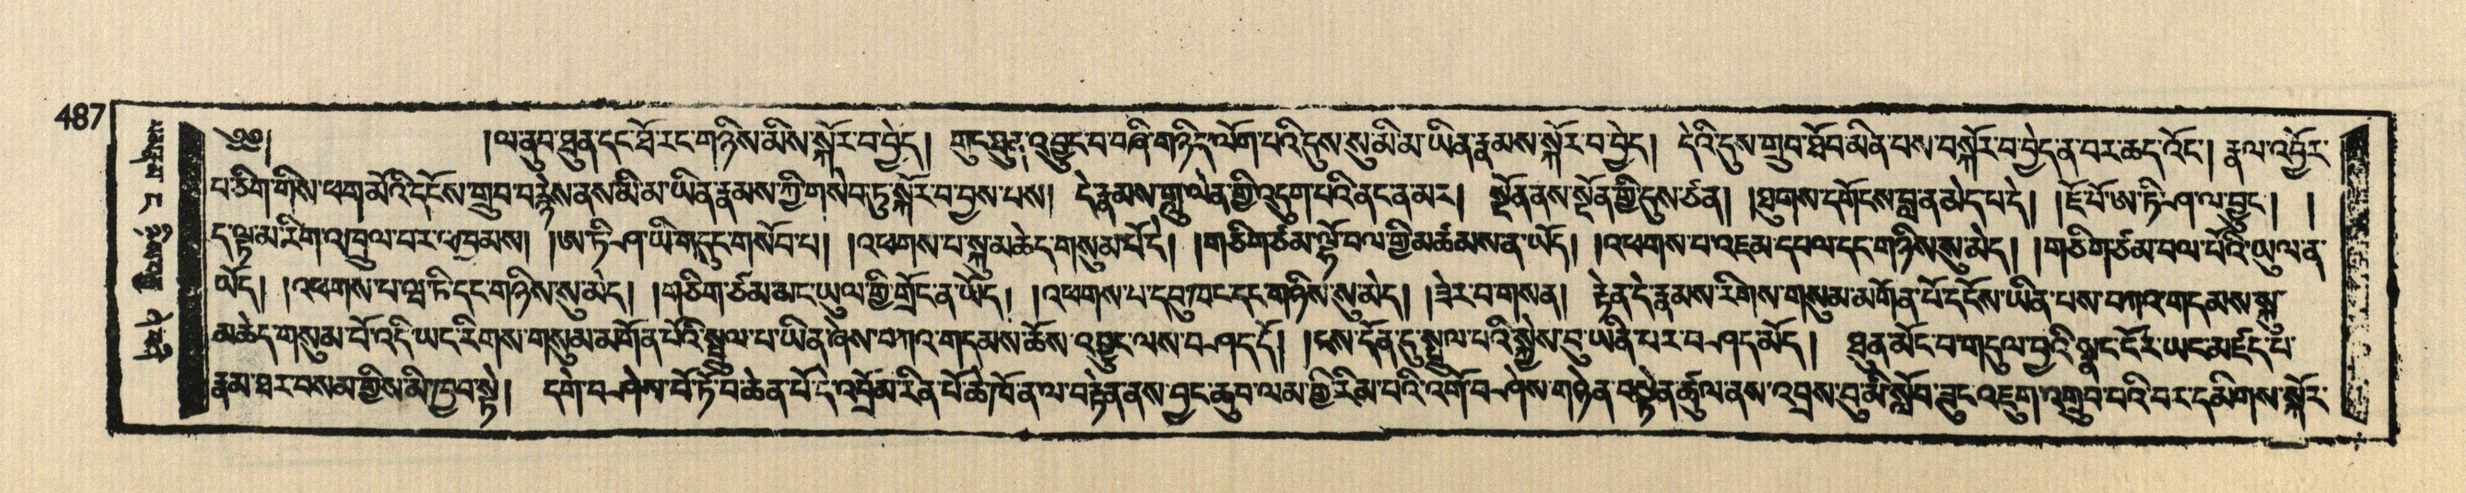༄༅། །ལ་ནུབ་ཐུན་དང་ཐོ་རང་གཉིས་མིས་སྐོར་བ་བྱེད། གུང་ཐུན་འབྱུང་བ་བཞི་གཉིད་ལོག་པའི་དུས་སུ་མི་མ་ཡིན་རྣམས་སྐོར་བ་བྱེད། དེའི་དུས་གྲུབ་ཐོབ་མིན་པས་བསྐོར་བ་བྱེད་ན་བར་ཆད་འོང་། རྣལ་འབྱོར་
བ་ཅིག་གིས་ཕག་མོའི་དངོས་གྲུབ་བརྙེས་ནས་མི་མ་ཡིན་རྣམས་ཀྱི་གསེབ་ཏུ་སྐོར་བ་བྱས་པས། དེ་རྣམས་གླུ་ལེན་གྱི་འདུག་པའི་ནང་ན་མར། སྔོན་ནས་སྔོན་གྱི་དུས་ཙ་ན། །ཐུགས་དགོངས་བླ་ན་མེད་པ་དེ། །ཇོ་བོ་ཨ་ཏི་ཤ་ལ་བྱུང་། །
ད་ལྟ་མ་རིག་འཁྲུལ་པར་འཁྱམས། །ཨ་ཏི་ཤ་ཡི་གདུང་གསོབ་པ། །འཕགས་པ་སྐུ་མཆེད་གསུམ་པོ་དེ། །གཅིག་ཙམ་ལྷོ་བལ་གྱི་མཚམས་ན་ཡོད། །འཕགས་པ་འཇམ་དཔལ་དང་གཉིས་སུ་མེད། །གཅིག་ཙམ་བལ་པོའི་ཡུལ་ན་
ཡོད། །འཕགས་པ་ཝ་ཏི་དང་གཉིས་སུ་མེད། །གཅིག་ཙམ་མང་ཡུལ་གྱི་གྲོང་ན་ཡོད། །འཕགས་པ་དབུ་ཁང་དང་གཉིས་སུ་མེད། །ཟེར་བ་གསན། རྟེན་དེ་རྣམས་རིགས་གསུམ་མགོན་པོ་དངོས་ཡིན་པས་བཀའ་གདམས་སྐུ་
མཆེད་གསུམ་པོ་འདི་ཡང་རིགས་གསུམ་མགོན་པོའི་སྤྲུལ་པ་ཡིན་ཞེས་བཀའ་གདམས་ཆོས་འབྱུང་ལས་བཤད་དོ། །ངས་དོན་དུ་སྤྲུལ་པའི་སྐྱེས་བུ་ཡིན་པར་བཤད་མོད། ཐུན་མོང་བ་གདུལ་བྱའི་སྣང་ངོར་ཡང་མཛད་པ་
རྣམ་ཐར་བསམ་གྱིས་མི་ཁྱབ་སྟེ། དགེ་བཤེས་པོ་ཏོ་བ་ཆེན་པོ་དེ་འབྲོམ་རིན་པོ་ཆེ་ཁོ་ན་ལ་བརྟེན་ནས་བྱང་ཆུབ་ལམ་གྱི་རིམ་པའི་འགོ་བཤེས་གཉེན་བསྟེན་ཚུལ་ནས་འབྲས་བུ་མི་སློབ་ཟུང་འཇུག་འགྲུབ་པའི་བར་དམིགས་སྐོར་